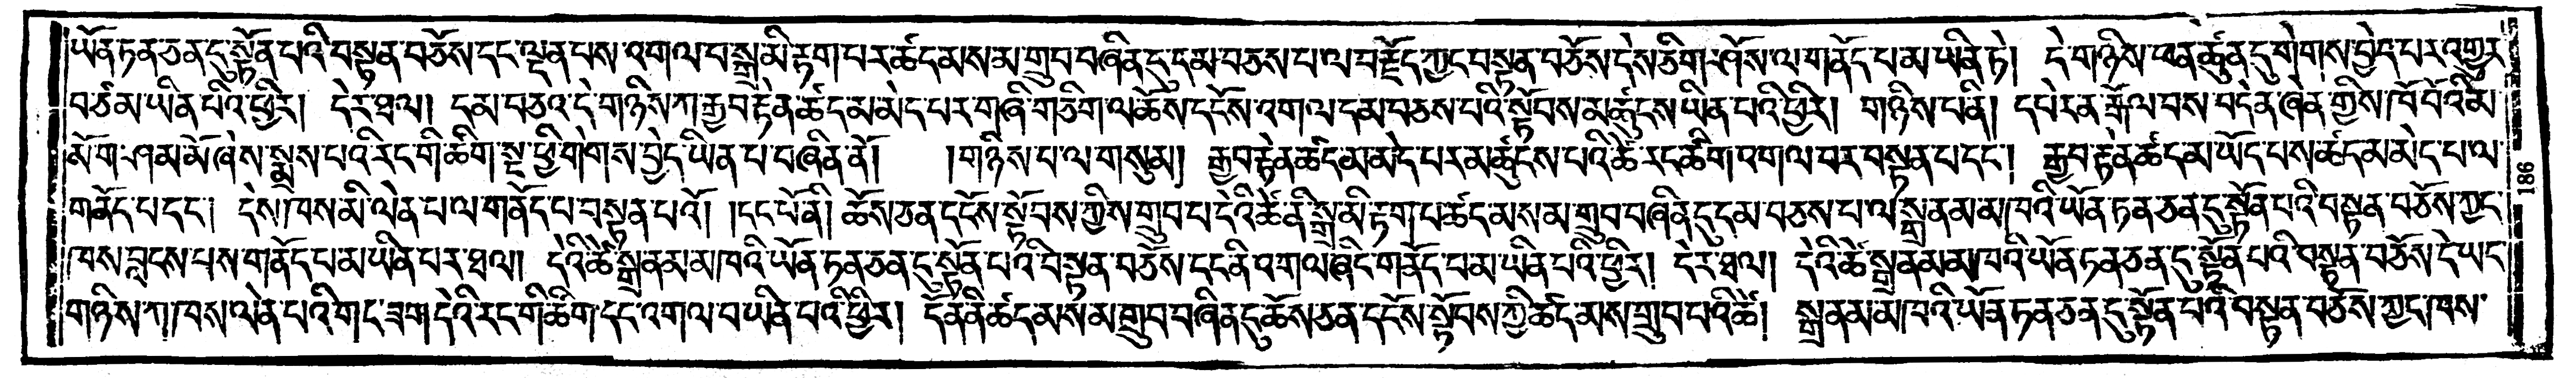ཡོན་ཏན་ཅན་དུ་སྟོན་པའི་བསྟན་བཅོས་དང་ལྡན་པས་འགལ་བ་སྒྲ་མི་རྟག་པར་ཚད་མས་མ་གྲུབ་བཞིན་དུ་དམ་བཅས་པ་ལ་བརྗོད་ཀྱང་བསྟན་བཅོས་དེས་ཅིག་ཤོས་ལ་གནོད་པ་མ་ཡིན་ཏེ། དེ་གཉིས་ཕན་ཚུན་དུ་གེགས་བྱེད་པར་འགྱུར་
བ་ཙམ་ཡིན་པའི་ཕྱིར། དེར་ཐལ། དམ་བཅའ་དེ་གཉིས་ཀ་རྒྱབ་རྟེན་ཚད་མ་མེད་པར་གཞི་གཅིག་ལ་ཆོས་དངོས་འགལ་དམ་བཅས་པའི་སྟོབས་མཚུངས་ཡིན་པའི་ཕྱིར། གཉིས་པ་ནི། དཔེར་ན་རྒོལ་བས་བདེན་ཞེན་གྱིས་ཁོ་བོའི་མ་
མོ་ག་ཤམ་མོ་ཞེས་སྨྲས་པའི་རང་གི་ཚིག་སྔ་ཕྱི་གེགས་བྱེད་ཡིན་པ་བཞིན་ནོ། །གཉིས་པ་ལ་གསུམ། རྒྱབ་རྟེན་ཚད་མ་མེད་པར་མཚུངས་པའི་ཚེ་རང་ཚིག་འགལ་བར་བསྟན་པ་དང་། རྒྱབ་རྟེན་ཚད་མ་ཡོད་པས་ཚད་མ་མེད་པ་ལ་
གནོད་པ་དང་། དེས་ཁས་མི་ལེན་པ་ལ་གནོད་པ་བསྟན་པའོ། །དང་པོ་ནི། ཆོས་ཅན་དངོས་སྟོབས་ཀྱིས་གྲུབ་པ་དེའི་ཚེ་ནི་སྒྲ་མི་རྟག་པ་ཚད་མས་མ་གྲུབ་བཞིན་དུ་དམ་བཅས་པ་ལ་སྒྲ་ནམ་མཁའི་ཡོན་ཏན་ཅན་དུ་སྟོན་པའི་བསྟན་བཅོས་ཀྱང་
ཁས་བླངས་པས་གནོད་པ་མ་ཡིན་པར་ཐལ། དེའི་ཚེ་སྒྲ་ནམ་མཁའི་ཡོན་ཏན་ཅན་དུ་སྟོན་པའི་བསྟན་བཅོས་དང་ནི་འགལ་ཞིང་གནོད་པ་མ་ཡིན་པའི་ཕྱིར། དེར་ཐལ། དེའི་ཚེ་སྒྲ་ནམ་མཁའི་ཡོན་ཏན་ཅན་དུ་སྟོན་པའི་བསྟན་བཅོས་དེ་ཡང་
གཉིས་ཀ་ཁས་ལེན་པའི་གང་ཟག་དེའི་རང་གི་ཚིག་དང་འགལ་བ་ཡིན་པའི་ཕྱིར། དོན་ནི་ཚད་མས་མ་གྲུབ་བཞིན་དུ་ཆོས་ཅན་དངོས་སྟོབས་ཀྱི་ཚད་མས་གྲུབ་པའི་ཚེ། སྒྲ་ནམ་མཁའི་ཡོན་ཏན་ཅན་དུ་སྟོན་པའི་བསྟན་བཅོས་ཀྱང་ཁས་